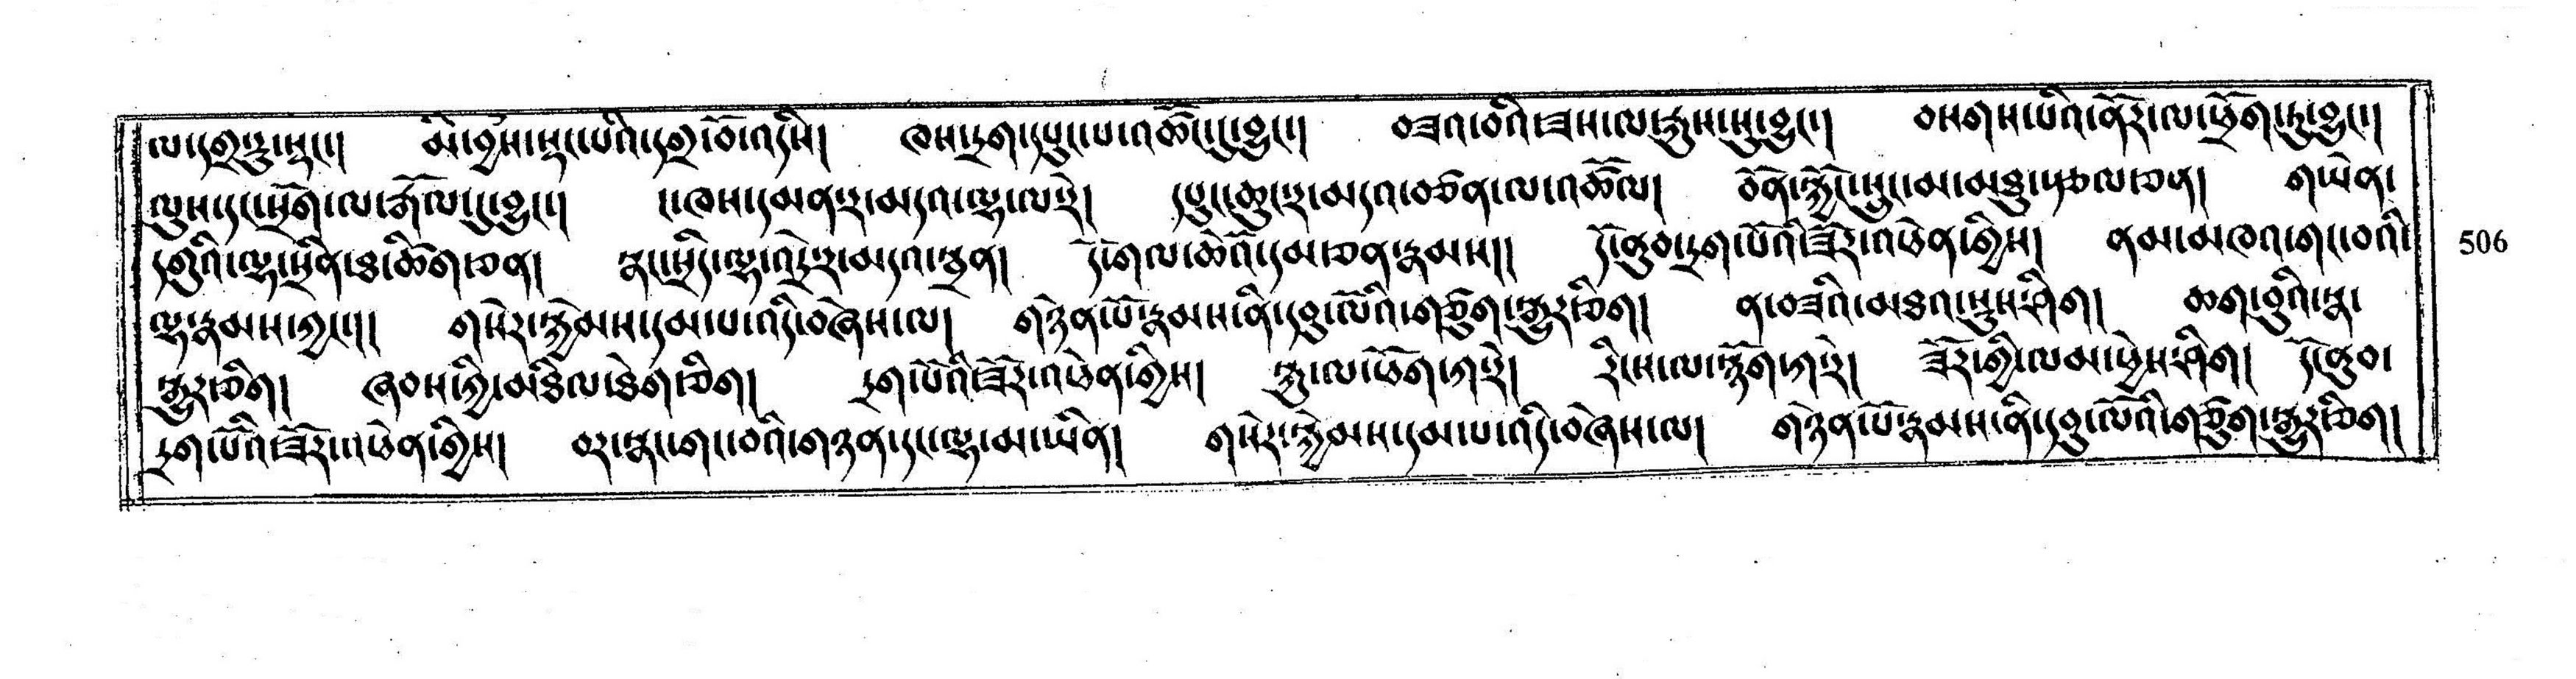ལ་དགྲ་རུ་སྡང་། མི་བྱམས་སྡང་པའི་དགྲ་བོ་འདིས། ཁས་དྲག་དཔུང་པ་འཚོང་དུ་བྱུང་། བཟའ་བའི་ཟས་ལ་རྐུས་{520}སུ་བྱུང་། བསགས་པའི་ནོར་ལ་ཕྲོག་ཏུ་བྱུང་། 
ལུས་དང་སྲོག་ལ་རྒོལ་དུ་བྱུང་། ང་ཁས་དམན་ར་མདའ་ལྷ་ལ་རེ། དཔུང་ཆུང་ར་མདའ་བཙན་ལ་འཚོལ། བོན་སྐྱོང་སྲུང་མ་མཐུ་སྩལ་ཅན། གཡེན་
དགུའི་ལྷ་སྲིན་ཐ་ཚིག་ཅན། སྣང་སྲིད་ལྷ་འདྲེ་ར་མདའ་སྦྲན། དོ་གལ་ཆེའོ་དམ་ཅན་རྣམས།། དོ་ནུབ་དྲག་པོའི་ཟོར་འཕེན་གྱིས། ནམ་མཁའ་གང་བའི་
ལྷ་རྣམས་ཀྱང་།། གསེར་སྐྱེམས་དམ་པ་འདི་བཞེས་ལ། གཉེན་པོ་རྣམས་ནི་དབུ་ལོའི་གཙུག་སྒྱུར་ཅིག ན་བཟའི་མཐའ་སྡུས་ཤིག ཆག་བུའི་སྣ་
སྒྱུར་ཅིག ཞབས་ཀྱི་མཐིལ་ཐེག་ཅིག དྲག་པོའི་ཟོར་འཕེན་གྱིས། སྐུ་ལ་ཕོག་ཀ་རེ། རིངས་ལ་སྙོག་ཀ་རེ། ཟོར་གྱི་ལམ་ཕྱེས་ཤིག དོ་ནུབ་
དྲག་པོའི་ཟོར་འཕེན་གྱིས། བར་སྣང་གང་བའི་གཉན་དང་ལྷ་མ་ཡིན། གསེར་སྐྱེམས་དམ་པ་འདི་བཞེས་ལ། གཉེན་པོ་རྣམས་ནི་དབུ་ལོའི་གཙུག་སྒྱུར་ཅིག